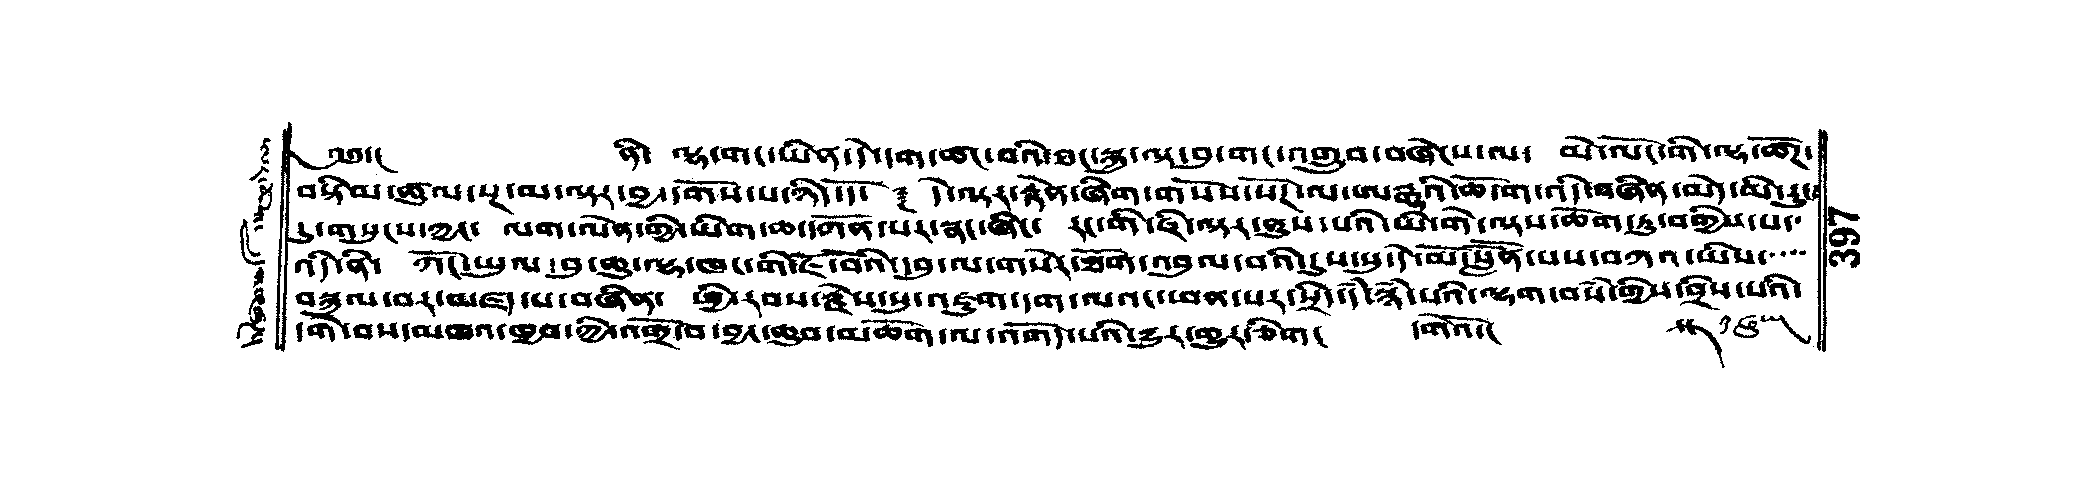ནི། ལྷ་གང་ཡིན་དེ་དག་ཚང་བའི་ཐང་སྐུ་ལྟ་བུ་གང་འགྲུབ་བཞེངས་ལ། མེ་ལོང་གི་ལྷ་ཚོགས་
བསྟིམ་ཚུལ་སྔ་མ་ལྟར་བྱ་དགོས་པ་ཉིད་དོ། དེ་ལྟར་རྟེན་ཞིག་གསོས་སོགས་ལ་ཨརྒྷའི་ཆོ་ག་འདི་བཞིན་མེད་མི་རུང་
དུ་གསུངས་ཀྱང་། ལག་ལེན་གྱི་ཡིག་ཆ་དཀོན་པར་སྣང་ཞིང་། རང་གི་ཇི་ལྟར་ནུས་པའི་ཡི་གེ་ལྟས་ཆོག་ཏུ་བགྱིས་པ་
འདི་ནི། ཀོང་ཡུལ་བུ་ཆུ་ལྷ་ཁང་གི་ཇོ་བོའི་དབུ་ལ་གསེར་ཐོག་འབུལ་བའི་དུས་སུ་དེ་མོ་སློབ་དཔོན་པས་བཀའ་ཡིས་
བསྐུལ་བར་མཛད་པ་བཞིན། ཕྱི་རབས་རྗེས་སུ་འཇུག་དག་ལའང་ཕན་པར་སྲིད་དམ་སྙམ་པའི་ལྷག་བསམ་གྱིས་བྲིས་པའི་
དགེ་བས་མཁའ་ཁྱབ་ཀྱི་འགྲོ་བ་བྱང་ཆུབ་མཆོག་ལ་འགོད་པའི་རྒྱུར་གྱུར་ཅིག། དགེའོ།།